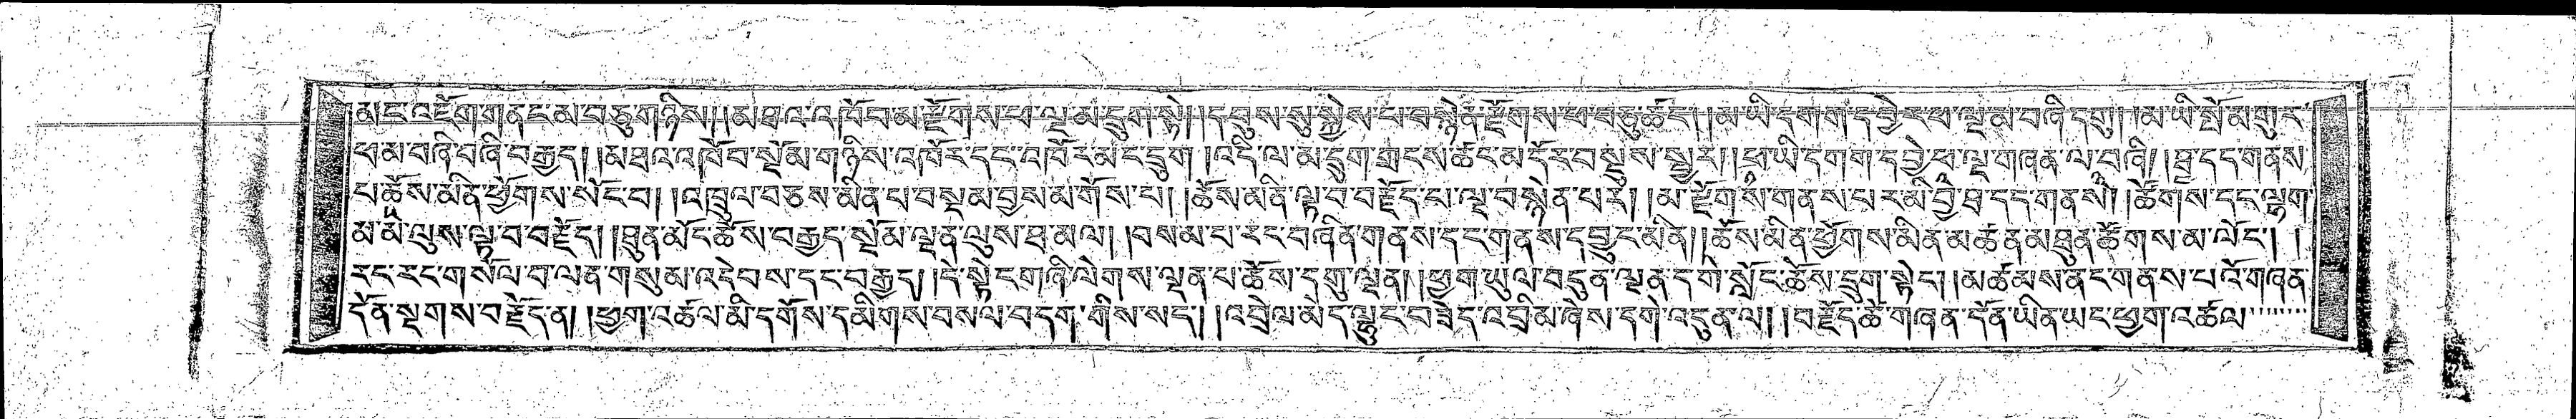མང་འཇོག་གནང་མ་བཅུ་གཉིས། །མཐའ་འཁོབ་མ་རྫོགས་ཕ་ལྔ་མ་དྲུག་སྟེ། །དབུས་སུ་སྐྱེས་པ་བསྙེན་རྫོགས་ཕ་བཅུ་ཚང་། །མ་ཡི་དགག་དབྱེར་ཕ་ལྔ་མ་བཞི་དགུ། །མ་ཡི་སྤོ་མགུར་
ཕ་མ་བཞི་བཞི་བརྒྱད། །མཐའ་འཁོབ་སྡོམ་གཉིས་འཁོར་དང་འཁོར་མང་དྲུག །འདི་ལ་མ་དྲུག་གྲངས་ཚང་མདོར་བསྡུས་སྦྱར། །ཕ་ཡི་དགག་དབྱེ་ཕ་ལྔ་གཞན་ལ་བཞི། །ཐ་དད་གནས་
པ་ཆོས་མིན་ཕྱོགས་སོང་བ། །འཁྲུལ་བཅས་མིན་པ་བསྡམ་བྱས་མ་གོས་པ། །ཆོས་མིན་ལྟ་བ་བརྗོད་པ་ལྔ་བསྙེན་པར། །མ་རྫོགས་གནས་པར་མི་བྱ་ཐ་དད་གནས། །ཚོགས་དང་ལྷག་
མ་མ་ལུས་ལྟ་བ་བརྗོད། །ཐུན་མོང་ཆོས་བརྒྱད་སྔོམ་ལྡན་ལུས་ཐ་མལ། །བསམ་པ་རང་བཞིན་གནས་དང་གནས་དབྱུང་མིན། །ཆོས་མིན་ཕྱོགས་མིན་མཚན་མཐུན་ཚོགས་མ་ལོང་། །
རང་རང་གསོལ་བ་ལན་གསུམ་འདེབས་དང་བརྒྱད། །དེ་སྟེང་གཞི་ལེགས་ལྡན་པ་ཆོས་དགུ་ལྡན། །ཕྱག་ཡུལ་བདུན་ལྡན་དགེ་སློང་ཆོས་དྲུག་སྟེང་། །མཚམས་ནང་གནས་པའོ་གཞན་
དོན་སྔགས་བརྗོད་ན། །ཕྱག་འཚལ་མི་དགོས་དམིགས་བསལ་བདག་གིས་སད། །འབྲེལ་མེད་ལྷུང་བཟེད་འབྲི་མ་ཞེས་དགེ་འདུན་ལ། །བརྗོད་ཚེ་གཞན་དོན་ཡིན་ཡང་ཕྱག་འཚལ་